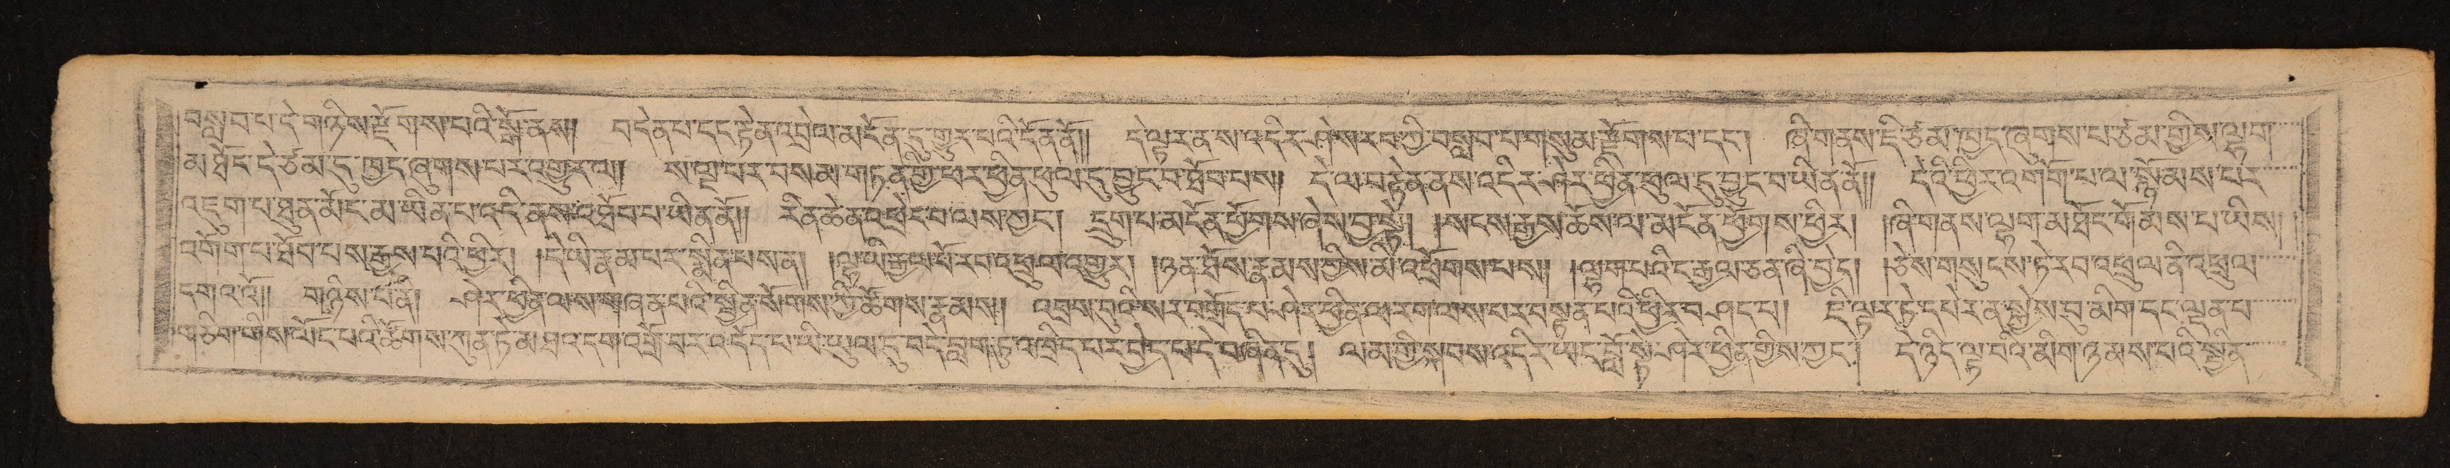བསླབ་པ་དེ་གཉིས་རྫོགས་པའི་སྒོ་ནས། བདེན་པ་དང་རྟེན་འབྲེལ་མངོན་དུ་གྱུར་པའི་དོན་ནོ།། དེ་ལྟར་ན་ས་འདིར་ཤེས་རབ་ཀྱི་བསླབ་པ་གསུམ་རྫོགས་པ་དང་། ཞི་གནས་ཇི་ཙམ་ཁྱད་ཞུགས་པ་ཙམ་གྱིས་ལྷག་
མཐོང་དེ་ཙམ་དུ་ཁྱད་ཞུགས་པར་འགྱུར་ལ། ས་ལྔ་པར་བསམ་གཏན་གྱི་ཕར་ཕྱིན་ཕུལ་དུ་བྱུང་བ་ཐོབ་པས། དེ་ལ་བརྟེན་ནས་འདིར་ཤེར་ཕྱིན་ཕུལ་དུ་བྱུང་བ་ཡིན་ནོ།། དེའི་ཕྱིར་འགོག་པ་ལ་སྙོམས་པར་
འཇུག་པ་ཐུན་མོང་མ་ཡིན་པ་འདི་ནས་འཐོབ་པ་ཡིན་ནོ།། རིན་ཆེན་འཕྲེང་བ་ལས་ཀྱང་། དྲུག་པ་མངོན་ཕྱོགས་ཞེས་བྱ་སྟེ། །སངས་རྒྱས་ཆོས་ལ་མངོན་ཕྱོགས་ཕྱིར། །ཞི་གནས་ལྷག་མཐོང་གོམས་པ་ཡིས།།
འགོག་པ་ཐོབ་པས་རྒྱས་པའི་ཕྱིར། །དེ་ཡི་རྣམ་པར་སྨིན་པས་ན། །ལྷ་ཡི་རྒྱལ་པོ་རབ་འཕྲུལ་འགྱུར། །ཉན་ཐོས་རྣམས་ཀྱིས་མི་འཕྲོགས་པས། །ལྷག་པའི་ང་རྒྱལ་ཅན་ཞི་བྱེད། །ཅེས་གསུངས་ཏེ་རབ་འཕྲུལ་ནི་འཕྲུལ་
དགའ་འོ།། གཉིས་པ་ནི། ཤེར་ཕྱིན་ལས་གཞན་པའི་སྦྱིན་སོགས་ཀྱི་ཚོགས་རྣམས། འབྲས་བུའི་སར་བགྲོད་པ་ཤེར་ཕྱིན་ལ་རག་ལས་པར་བསྟན་པའི་ཕྱིར་བཤད་པ། ཇི་ལྟར་ཏེ་དཔེར་ན་སྐྱེས་བུ་མིག་དང་ལྡན་པ་
གཅིག་གིས་ལོང་པའི་ཚོགས་ཀུན་ཏེ་མཐའ་དག་འགྲོ་བར་འདོད་པ་ཡི་ཡུལ་དུ་བདེ་བླག་ཏུ་འཁྲིད་པར་བྱེད་པ་དེ་བཞིན་དུ། ལམ་གྱི་སྐབས་འདིར་ཡང་བློ་སྟེ་ཤེར་ཕྱིན་གྱིས་ཀྱང་། དེ་ཉིད་ལྟ་བའི་མིག་ཉམས་པའི་སྦྱིན་